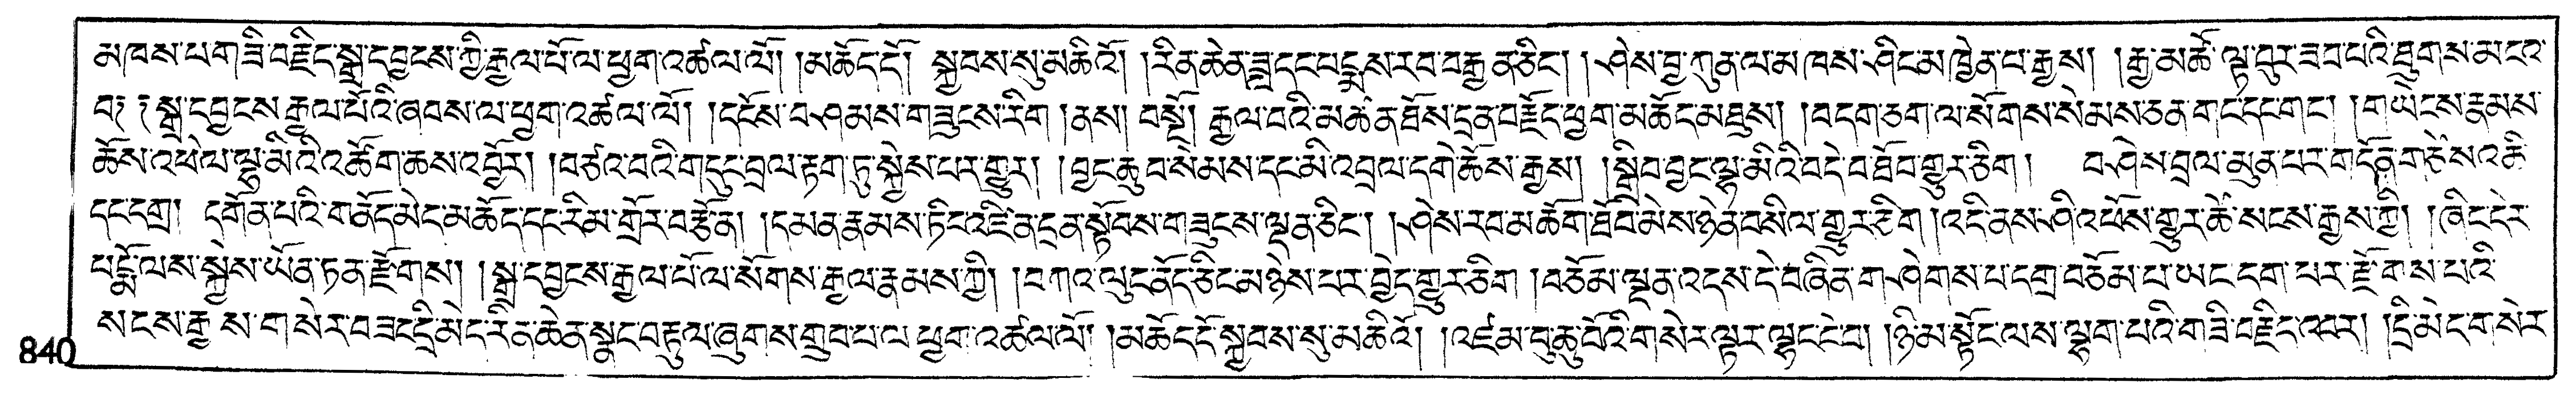མཁས་པ་གཟི་བརྗིད་སྒྲ་དབྱངས་ཀྱི་རྒྱལ་པོ་ལ་ཕྱག་འཚལ་ལོ། །མཆོད་དོ། སྐྱབས་སུ་མཆིའོ། །རིན་ཆེན་ཟླ་དང་པདམས་རབ་བརྒྱན་ཅིང་། །ཤེས་བྱ་ཀུན་ལ་མཁས་ཤིང་མཁྱེན་པ་རྒྱས། །རྒྱ་མཚོ་ལྟ་བུར་ཟབ་པའི་ཐུགས་མངའ་
བ༑ ༑སྒྲ་དབྱངས་རྒྱལ་པོའི་ཞབས་ལ་ཕྱག་འཚལ་ལོ། །དངོས་བཤམས་གཟུངས་རིག །ནས། བསྔོ། རྒྱལ་བའི་མཚན་ཐོས་དྲན་བརྗོད་ཕྱག་མཆོད་མཐུས། །བདག་ཅག་ལ་སོགས་སེམས་ཅན་གང་དང་གང་། །གཡེངས་རྣམས་
ཆོས་འཕེལ་ལྷ་མིའི་འཚོག་ཆས་འབྱོར། །བཙའ་བའི་གདུང་བྲལ་རྟག་ཏུ་སྐྱེས་པར་གྱུར། །བྱང་ཆུབ་སེམས་དང་མི་འབྲལ་དགེ་ཆོས་རྒྱས། །སྒྲིབ་བྱང་ལྷ་མིའི་བདེ་བ་ཐོབ་གྱུར་ཅིག །བཤེས་བྲལ་མུན་པར་གདོན་གཙེས་འཆི་
དང་དགྲ། དགོན་པའི་གནོད་མེད་མཆོད་དང་རིམ་གྲོར་བརྩོན། །དམན་རྣམས་ཏིང་འཛིན་དྲན་སྟོབས་གཟུངས་ལྡན་ཅིང་། །ཤེས་རབ་མཆོག་ཐོབ་མེས་ཉེན་བསིལ་གྱུར་ཅིག །འདི་ནས་ཤི་འཕོས་གྱུར་ཚེ་སངས་རྒྱས་ཀྱི། །ཞིང་དེར་
པདམོ་ལས་སྐྱེས་ཡོན་ཏན་རྫོགས། །སྒྲ་དབྱངས་རྒྱལ་པོ་ལ་སོགས་རྒྱལ་རྣམས་ཀྱི། །བཀའ་ལུང་ནོད་ཅིང་མཉེས་པར་བྱེད་གྱུར་ཅིག །བཅོམ་ལྡན་འདས་དེ་བཞིན་གཤེགས་པ་དགྲ་བཅོམ་པ་ཡང་དག་པར་རྫོགས་པའི་
སངས་རྒྱས་གསེར་བཟང་དྲི་མེད་རིན་ཆེན་སྣང་བརྟུལ་ཞུགས་གྲུབ་པ་ལ་ཕྱག་འཚལ་ལོ། །མཆོད་དོ་སྐྱབས་སུ་མཆིའོ། །འཛམ་བུ་ཆུ་བོའི་གསེར་ལྟར་ལྷང་ངེ་བ། །ཉི་མ་སྟོང་ལས་ལྷག་པའི་གཟི་བརྗིད་འབར། །དྲི་མེད་གསེར་